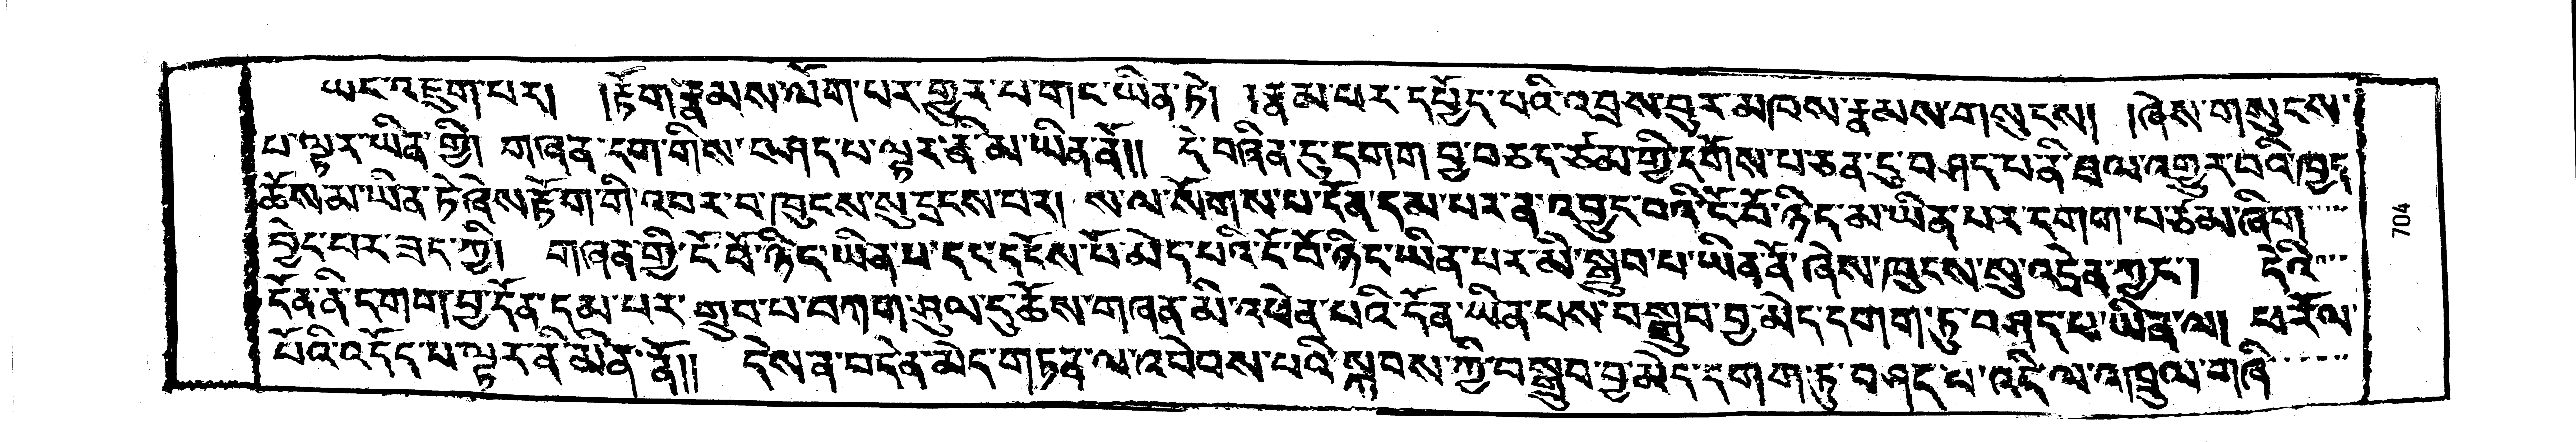ཡང་འཇུག་པར། །རྟོག་རྣམས་ལོག་པར་གྱུར་པ་གང་ཡིན་ཏེ། །རྣམ་པར་དཔྱོད་པའི་འབྲས་བུར་མཁས་རྣམས་གསུངས། །ཞེས་གསུངས་
པ་ལྟར་ཡིན་གྱི། གཞན་དག་གིས་བཤད་པ་ལྟར་ནི་མ་ཡིན་ནོ། །དེ་བཞིན་དུ་དགག་བྱ་བཅད་ཙམ་གྱི་དགོས་པ་ཅན་དུ་བཤད་པ་ནི་ཐལ་འགྱུར་བའི་ཁྱད་
ཆོས་མ་ཡིན་ཏེ་ཞེས་རྟོག་གི་འབར་བ་ཁུངས་སུ་དྲངས་པར། ས་ལ་སོགས་པ་དོན་དམ་པར་ན་འབྱུང་བའི་ངོ་བོ་ཉིད་མ་ཡིན་པར་དགག་པ་ཙམ་ཞིག་
བྱེད་པར་ཟད་ཀྱི། གཞན་གྱི་ངོ་བོ་ཉིད་ཡིན་པ་དང་དངོས་པོ་མེད་པའི་ངོ་བོ་ཉིད་ཡིན་པར་མི་སྒྲུབ་པ་ཡིན་ནོ་ཞེས་ཁུངས་སུ་འདྲེན་ཀྱང་། དེའི་
དོན་ནི་དགག་བྱ་དོན་དམ་པར་གྲུབ་པ་བཀག་ཤུལ་དུ་ཆོས་གཞན་མི་འཕེན་པའི་དོན་ཡིན་པས་བསྒྲུབ་བྱ་མེད་དགག་ཏུ་བཤད་པ་ཡིན་ལ། ཕ་རོལ་
པོའི་འདོད་པ་ལྟར་ནི་མིན་ནོ། །དེས་ན་བདེན་མེད་གཏན་ལ་འབེབས་པའི་སྐབས་ཀྱི་བསྒྲུབ་བྱ་མེད་དགག་ཏུ་བཤད་པ་འདི་ལ་འཁྲུལ་གཞི་